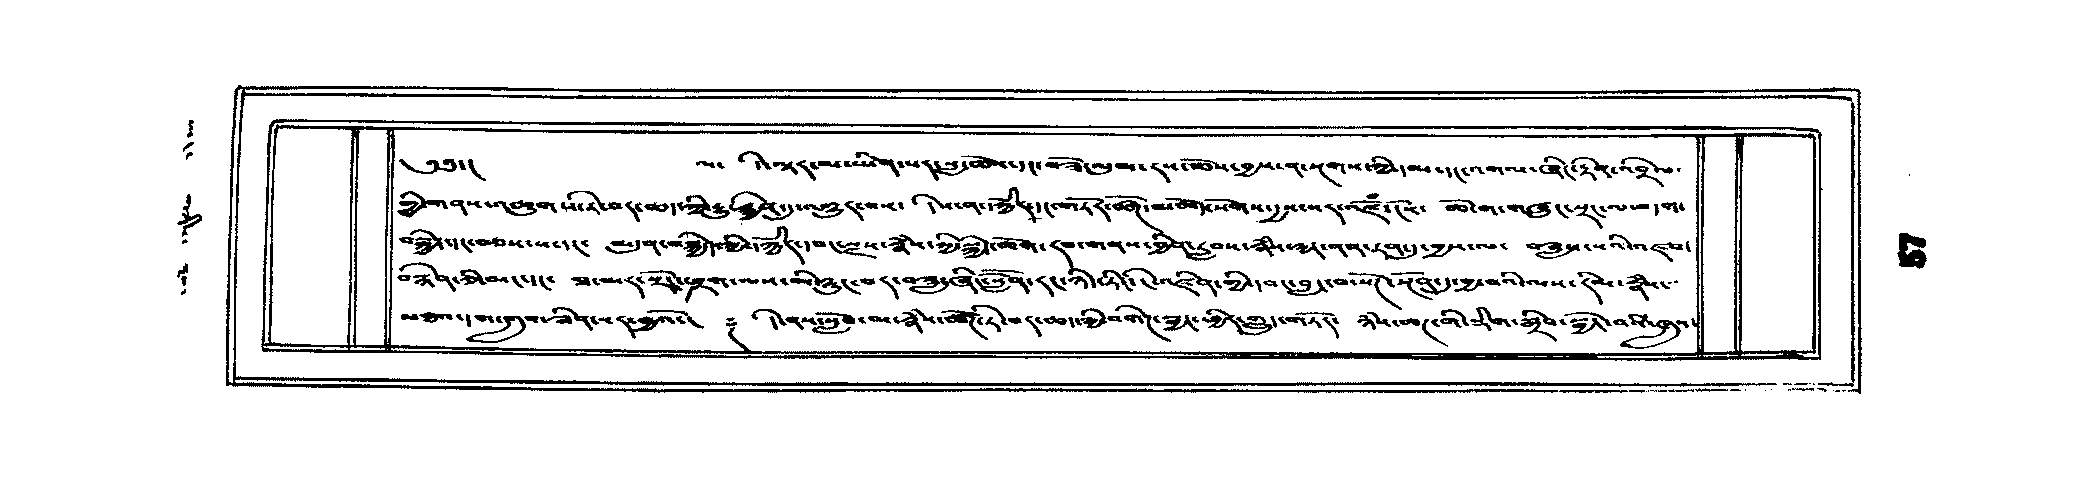དེ་ལྟར་མ་ཡིན་པར་སླ་ཆོས་དང་བཟོ་ལུམ་རས་ཆོས་བྱས་ན་སྔགས་ཀྱི་དམ་དང་འགལ་ཞིང་རྟེན་འབྲེལ་
གྱི་གནས་ཆུགས་ཏེ་བར་ཆད་ཀྱི་རྒྱུ་རྐྱེན་དུ་འགྱུར་བས། དེས་ན་དཀྱིལ་འཁོར་དང་གཏོར་ཚོགས་མཆོད་སོགས་རྒྱས་པར་འཛོམས་ངོས། ཆོ་ག་གཞུང་སྲང་ལ་བདག་
བསྐྱེད་དང་བཅས་པ་དང་། མདུན་བསྐྱེད་ཀྱི་དཀྱིལ་འཁོར་དབང་རྫས་རྣམས་ཀྱི་སྐྱེད་ཆོག་རབ་གནས་བྱིན་རླབས་རྣམས་ཀྱང་ནན་ཏན་དུ་བྱས་ལ། བཟླས་པའི་འཛབ་
བསྙེན་ཅི་མང་དང་། ཐ་མར་སྟོང་ཕྲག་ལས་མི་ཉུང་བར་བཟླ་ཞིང་སློབ་དཔོན་རང་ཉིད་ཏིང་ངེ་འཛིན་གྱི་དབང་བླང་བ་སོགས་སྔོན་དུ་བྱ་བའི་ལས་རིམ་རྣམས་
མཐའ་དག་ཟིན་པར་བྱའོ། ༈ དེ་ནས་སློབ་མ་རྣམས་ཚོགས་རེ་བར་ཆད་ཀྱི་བགེགས་སྦྱང་ཕྱིར་གླུད་གཏོར། ཉམས་ཆགས་ཀྱི་སྡིག་སྒྲིབ་སྦྱོང་བའི་ཁྲུས་